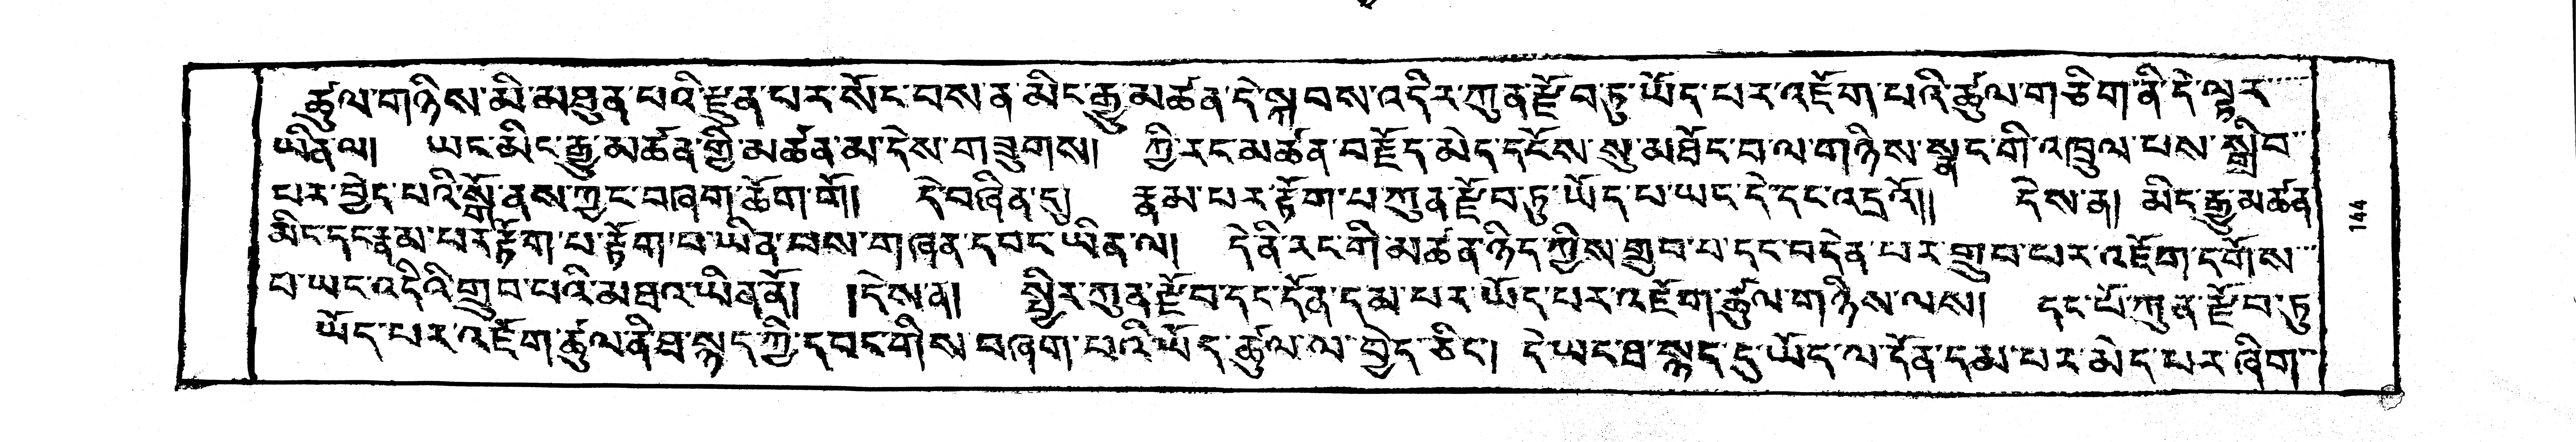ཚུལ་གཉིས་མི་མཐུན་པའི་རྫུན་པར་སོང་བས་ན་མིང་རྒྱུ་མཚན་དེ་སྐབས་འདིར་ཀུན་རྫོབ་ཏུ་ཡོད་པར་འཇོག་པའི་ཚུལ་གཅིག་ནི་དེ་ལྟར་
ཡིན་ལ། ཡང་མིང་རྒྱུ་མཚན་གྱི་མཚན་མ་དེས་གཟུགས། ཀྱི་རང་མཚན་བརྗོད་མེད་དངོས་སུ་མཐོང་བ་ལ་གཉིས་སྣང་གི་འཁྲུལ་པས་སྒྲིབ་
པར་བྱེད་པའི་སྒོ་ནས་ཀྱང་བཞག་ཆོག་གོ། དེ་བཞིན་དུ། རྣམ་པར་རྟོག་པ་ཀུན་རྫོབ་ཏུ་ཡོད་པ་ཡང་དེ་དང་འདྲའོ། །དེས་ན། མིང་རྒྱུ་མཚན་
མིང་དང་རྣམ་པར་རྟོག་པ་རྟོག་པ་ཡིན་པས་གཞན་དབང་ཡིན་ལ། དེ་ནི་རང་གི་མཚན་ཉིད་ཀྱིས་གྲུབ་པ་དང་བདེན་པར་གྲུབ་པར་འཇོག་དགོས་
པ་ཡང་འདིའི་གྲུབ་པའི་མཐའ་ཡིན་ནོ། །དེས་ན། སྤྱིར་ཀུན་རྫོབ་དང་དོན་དམ་པར་ཡོད་པར་འཇོག་ཚུལ་གཉིས་ལས། དང་པོ་ཀུན་རྫོབ་ཏུ་
ཡོད་པར་འཇོག་ཚུལ་ནི་ཐ་སྙད་ཀྱི་དབང་གིས་བཞག་པའི་ཡོད་ཚུལ་ལ་བྱེད་ཅིང་། དེ་ཡང་ཐ་སྙད་དུ་ཡོད་ལ་དོན་དམ་པར་མེད་པར་ཞིག་